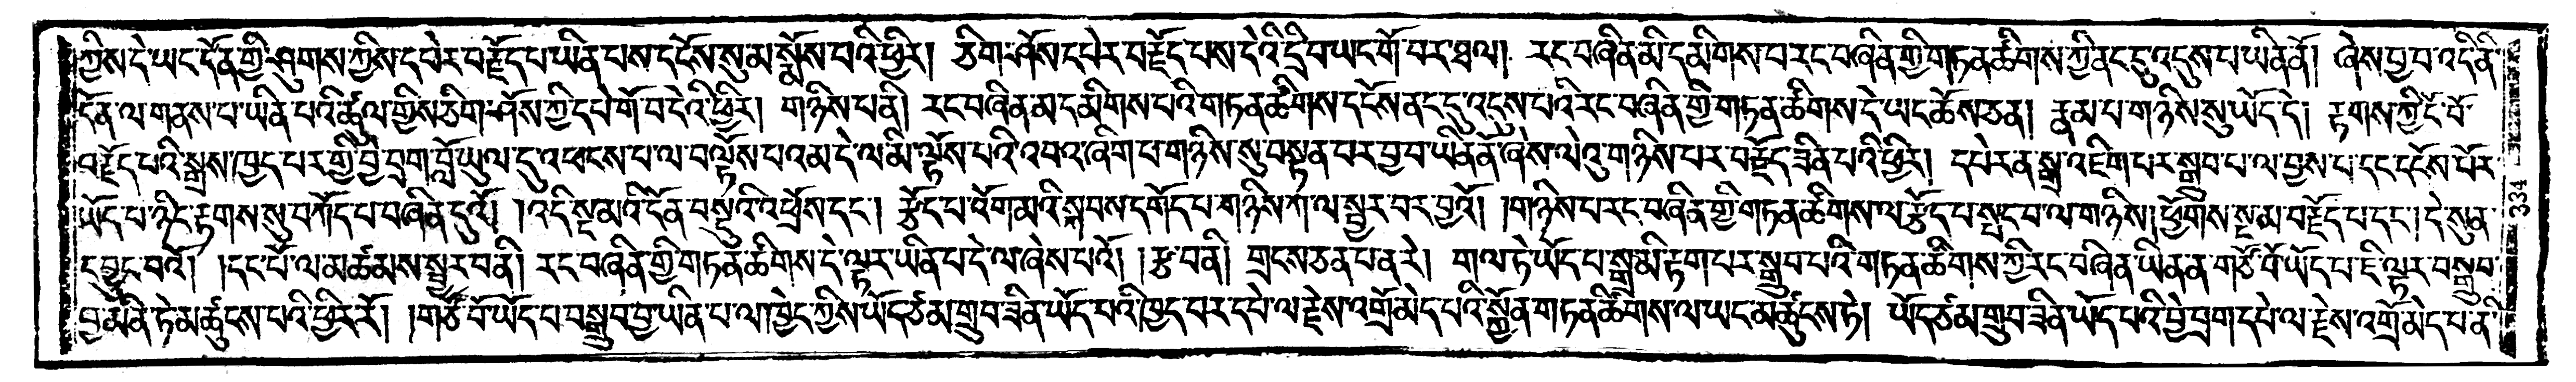ཀྱིས་དེ་ཡང་དོན་གྱི་ཤུགས་ཀྱིས་དཔེར་བརྗོད་པ་ཡིན་པས་དངོས་སུ་མ་སྨོས་པའི་ཕྱིར། ཅིག་ཤོས་དཔེར་བརྗོད་པས་དེའི་དྲི་བ་ཡང་གོ་བར་ཐལ། རང་བཞིན་མི་དམིགས་པ་རང་བཞིན་གྱི་གཏན་ཚིགས་ཀྱི་ནང་དུ་འདུས་པ་ཡིན་ནོ། ཞེས་བྱ་བ་འདི་ནི་
དོན་ལ་གནས་པ་ཡིན་པའི་ཚུལ་གྱིས་ཅིག་ཤོས་ཀྱི་དཔེ་གོ་བ་དེའི་ཕྱིར། གཉིས་པ་ནི། རང་བཞིན་མ་དམིགས་པའི་གཏན་ཚིགས་དངོས་ནང་དུ་འདུས་པའི་རང་བཞིན་གྱི་གཏན་ཚིགས་དེ་ཡང་ཆོས་ཅན། རྣམ་པ་གཉིས་སུ་ཡོད་དེ། རྟགས་ཀྱི་ངོ་བོ་
བརྗོད་པའི་སྒྲས་ཁྱད་པར་གྱི་བྱེ་བྲག་བློ་ཡུལ་དུ་འཕངས་པ་ལ་བལྟོས་པའམ་དེ་ལ་མི་ལྟོས་པའི་འབའ་ཞིག་པ་གཉིས་སུ་བསྟན་པར་བྱ་བ་ཡིན་ནོ་ཞེས་ལེའུ་གཉིས་པར་བརྗོད་ཟིན་པའི་ཕྱིར། དཔེར་ན་སྒྲ་འཇིག་པར་སྒྲུབ་པ་ལ་བྱས་པ་དང་དངོས་པོར་
ཡོད་པ་ཉིད་རྟགས་སུ་བཀོད་པ་བཞིན་དུའོ། །འདི་སྔ་མའི་དོན་བསྡུའི་འཕྲོས་དང་། རྩོད་པ་འོག་མའི་སྐབས་དགོད་པ་གཉིས་ཀ་ལ་སྦྱར་བར་བྱའོ། །གཉིས་པ་རང་བཞིན་གྱི་གཏན་ཚིགས་ལ་རྩོད་པ་སྤང་བ་ལ་གཉིས། ཕྱོགས་སྔ་མ་བརྗོད་པ་དང་། དེ་སུན་
དབྱུང་བའོ། །དང་པོ་ལ་མཚམས་སྦྱར་བ་ནི། རང་བཞིན་གྱི་གཏན་ཚིགས་དེ་ལྟར་ཡིན་པ་དེ་ལ་ཞེས་པའོ། །རྩ་བ་ནི། གྲངས་ཅན་པ་ན་རེ། གལ་ཏེ་ཡོད་པ་སྒྲ་མི་རྟག་པར་སྒྲུབ་པའི་གཏན་ཚིགས་ཀྱི་རང་བཞིན་ཡིན་ན་གཙོ་བོ་ཡོད་པ་ཇི་ལྟར་བསྒྲུབ་
བྱ་མིན་ཏེ་མཚུངས་པའི་ཕྱིར་རོ། །གཙོ་བོ་ཡོད་པ་བསྒྲུབ་བྱ་ཡིན་པ་ལ་ཁྱེད་ཀྱིས་ཡོད་ཙམ་གྲུབ་ཟིན་ཡོད་པའི་ཁྱད་པར་དཔེ་ལ་རྗེས་འགྲོ་མེད་པའི་སྐྱོན་གཏན་ཚིགས་ལ་ཡང་མཚུངས་ཏེ། ཡོད་ཙམ་གྲུབ་ཟིན་ཡོད་པའི་བྱེ་བྲག་དཔེ་ལ་རྗེས་འགྲོ་མེད་པ་ནི་